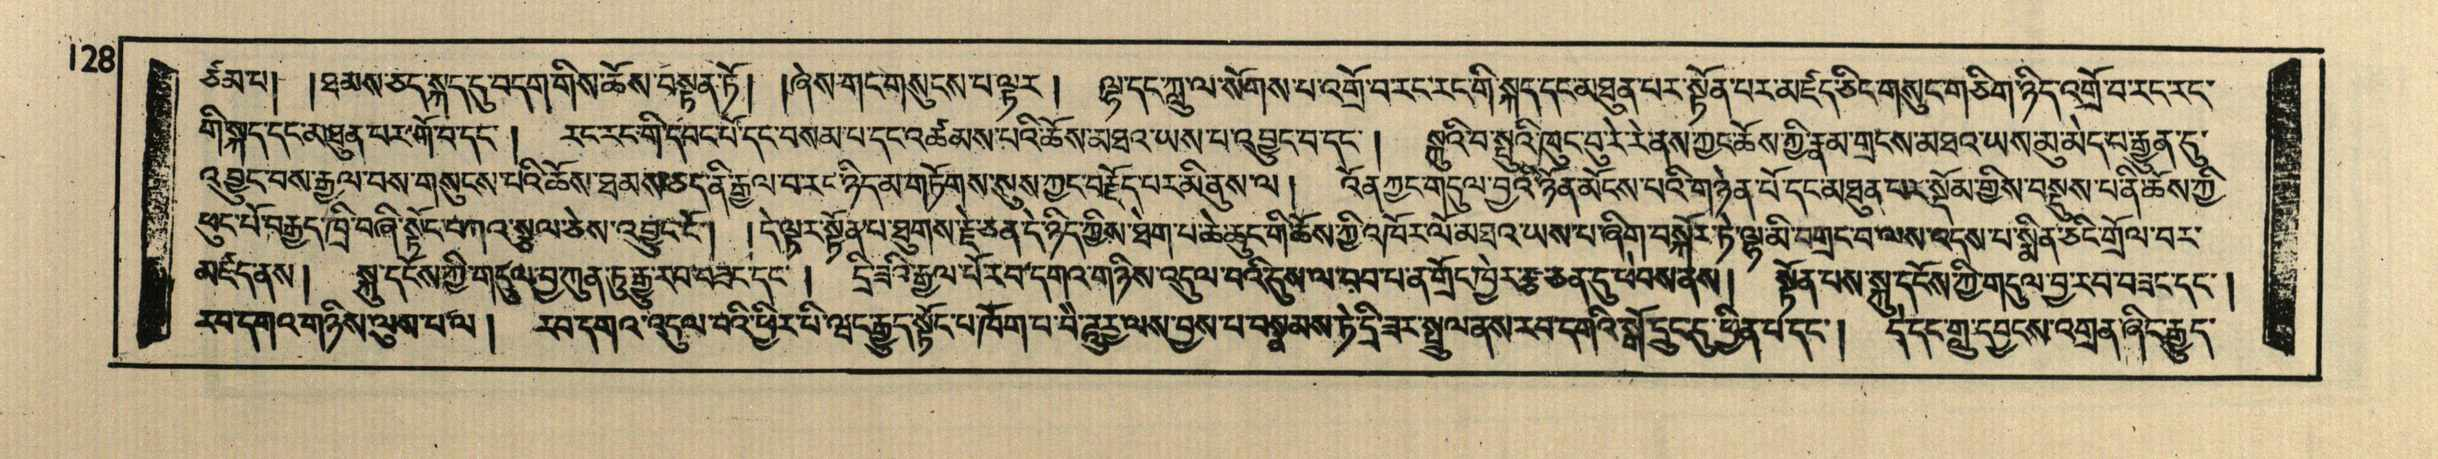ཙམ་པ། །ཐམས་ཅད་སྐད་དུ་བདག་གིས་ཆོས་བསྟན་ཏོ། །ཞེས་གང་གསུངས་པ་ལྟར། ལྷ་དང་ཀླུ་ལ་སོགས་པ་འགྲོ་བ་རང་རང་གི་སྐད་དང་མཐུན་པར་སྟོན་པར་མཛད་ཅིང་གསུང་གཅིག་ཉིད་འགྲོ་བ་རང་རང་
གི་སྐད་དང་མཐུན་པར་གོ་བ་དང་། རང་རང་གི་དབང་པོ་དང་བསམ་པ་དང་འཚམས་པའི་ཆོས་མཐའ་ཡས་པ་འབྱུང་བ་དང་། སྐུའི་བ་སྤུའི་ཁུང་བུ་རེ་རེ་ནས་ཀྱང་ཆོས་ཀྱི་རྣམ་གྲངས་མཐའ་ཡས་མུ་མེད་པ་རྒྱུན་དུ་
འབྱུང་བས་རྒྱལ་བས་གསུངས་པའི་ཆོས་ཐམས་ཅད་ནི་རྒྱལ་བ་རང་ཉིད་མ་གཏོགས་སུས་ཀྱང་བརྗོད་པར་མི་ནུས་ལ། འོན་ཀྱང་གདུལ་བྱའི་ཉོན་མོངས་པའི་གཉེན་པོ་དང་མཐུན་པར་སྡོམ་གྱིས་བསྡུས་པ་ནི་ཆོས་ཀྱི་
ཕུང་པོ་བརྒྱད་ཁྲི་བཞི་སྟོང་བཀའ་སྩལ་ཅེས་འབྱུང་ངོ། །དེ་ལྟར་སྟོན་པ་ཐུགས་རྗེ་ཅན་དེ་ཉིད་ཀྱིས་ཐེག་པ་ཆེ་ཆུང་གི་ཆོས་ཀྱི་འཁོར་ལོ་མཐའ་ཡས་པ་ཞིག་བསྐོར་ཏེ་ལྷ་མི་བགྲང་བ་ལས་འདས་པ་སྨིན་ཅིང་གྲོལ་བར་
མཛད་ནས། སྐུ་དངོས་ཀྱི་གདུལ་བྱ་ཀུན་ཏུ་རྒྱུ་རབ་བཟང་དང་། དྲི་ཟའི་རྒྱལ་པོ་རབ་དགའ་གཉིས་འདུལ་བའི་དུས་ལ་བབ་པ་ན་གྲོང་ཁྱེར་རྩ་ཅན་དུ་ཕེབས་ནས། སྟོན་པས་སྐུ་དངོས་ཀྱི་གདུལ་བྱ་རབ་བཟང་དང་།
རབ་དགའ་གཉིས་ལུས་པ་ལ། རབ་དགའ་འདུལ་བའི་ཕྱིར་པི་ཝང་རྒྱུད་སྟོང་པ་ཁོག་པ་བཻ་ཌཱུརྱ་ལས་བྱས་པ་བསྣམས་ཏེ་དྲི་ཟར་སྤྲུལ་ནས་རབ་དགའི་སྒོ་དྲུང་དུ་ཕྱིན་པ་དང་། དེ་དང་གླུ་དབྱངས་འགྲན་ཞིང་རྒྱུད་